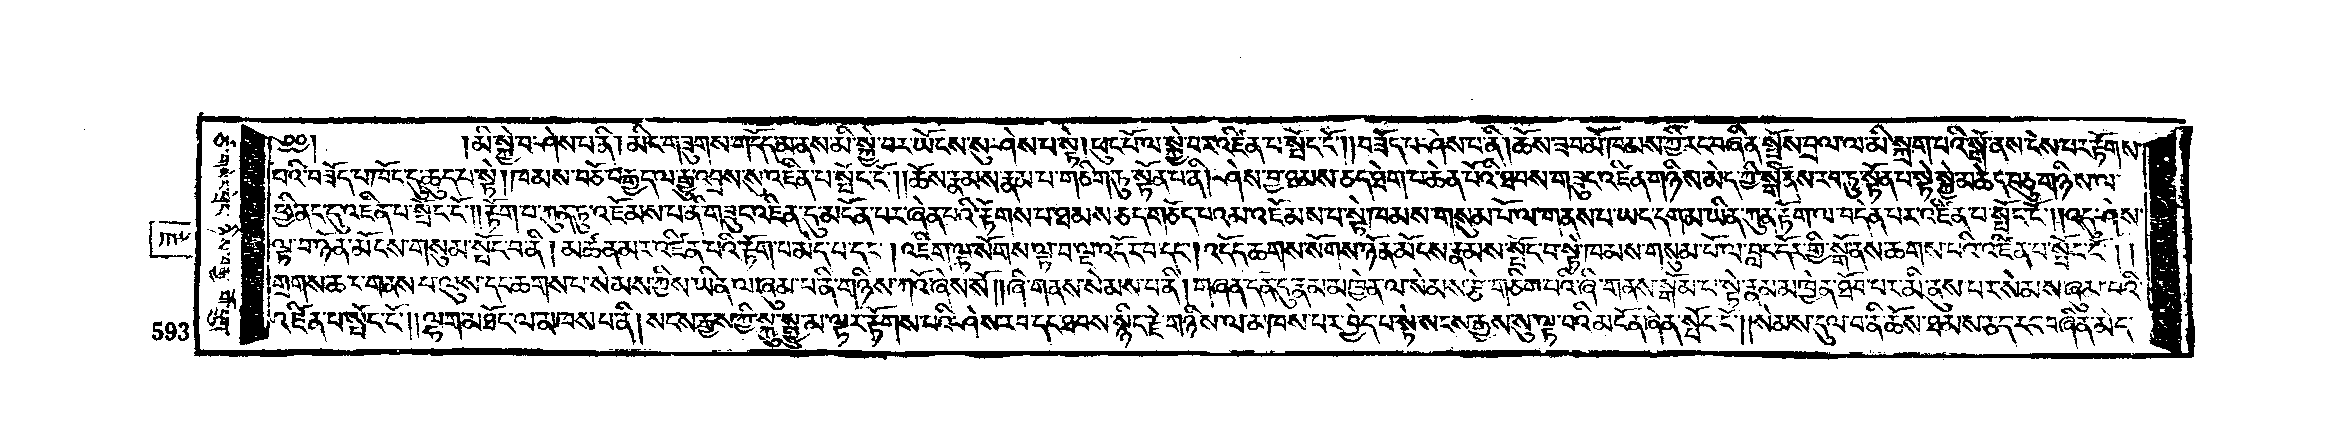༄༅། །མི་སྐྱེ་བ་ཤེས་པ་ནི། མིང་གཟུགས་གདོད་མ་ནས་མི་སྐྱེ་བར་ཡོངས་སུ་ཤེས་པ་སྟེ། ཕུང་པོ་ལ་སྐྱེ་བར་འཛིན་པ་སྤོང་ངོ། །བཟོད་པ་ཤེས་པ་ནི། ཆོས་ཟབ་མོ་ཁམས་ཀྱི་རང་བཞིན་སྤྲོས་བྲལ་ལ་མི་སྐྲག་པའི་སྒོ་ནས་ངེས་པར་རྟོགས་
པའི་བཟོད་པ་ཁོང་དུ་ཆུད་པ་སྟེ། ཁམས་བཅོ་བརྒྱད་ལ་རྒྱུ་འབྲས་སུ་འཛིན་པ་སྤོང་ངོ། །ཆོས་རྣམས་རྣམ་པ་གཅིག་ཏུ་སྟོན་པ་ནི། ཤེས་བྱ་ཐམས་ཅད་ཐེག་པ་ཆེན་པོའི་ཐབས་གཟུང་འཛིན་གཉིས་མེད་ཀྱི་སྒོ་ནས་རབ་ཏུ་སྟོན་པ་སྟེ་སྐྱེ་མཆེད་བཅུ་གཉིས་ལ་
ཕྱི་ནང་དུ་འཛིན་པ་སྤོང་ངོ། །རྟོག་པ་ཀུན་ཏུ་འཇོམས་པ་ནི་གཟུང་འཛིན་དུ་མངོན་པར་ཞེན་པའི་རྟོགས་པ་ཐམས་ཅད་གཅོད་པའམ་འཇོམས་པ་སྟེ་ཁམས་གསུམ་པོ་ལ་གནས་པ་ཡང་དག་མ་ཡིན་ཀུན་རྟོག་ལ་བདེན་པར་འཛིན་པ་སྤོང་ངོ། །འདུ་ཤེས་
ལྟ་བ་ཉོན་མོངས་གསུམ་སྤོང་བ་ནི། མཚན་མར་འཛིན་པའི་རྟོག་པ་མེད་པ་དང་། འཇིག་ལྟ་སོགས་ལྟ་བ་ལྔ་འདོར་བ་དང་། འདོད་ཆགས་སོགས་ཉོན་མོངས་རྣམས་སྤོང་བ་སྟེ་ཁམས་གསུམ་པོ་ལ་བླང་དོར་གྱི་སྒོ་ནས་ཆགས་པའི་འཛིན་པ་སྤོང་ངོ། །
གྲགས་ཆར་གནས་པ་ལུས་དང་ཆགས་པ་སེམས་ཀྱིས་ཡིན་ལ་ཞུམ་པ་ནི་གཉིས་ཀའོ་ཞེས་སོ། །ཞི་གནས་སེམས་པ་ནི། གཞན་དོན་དུ་རྣམ་མཁྱེན་ལ་སེམས་རྩེ་གཅིག་པའི་ཞི་གནས་སྒོམ་པ་སྟེ་རྣམ་མཁྱེན་ཐོབ་པར་མི་ནུས་པར་སེམས་ཞུམ་པའི་
འཛིན་པ་སྤོང་ངོ། །ལྷག་མཐོང་ལ་མཁས་པ་ནི། སངས་རྒྱས་ཀྱི་སྐུ་སྒྱུ་མ་ལྟར་རྟོགས་པའི་ཤེས་རབ་དང་ཐབས་སྙིང་རྗེ་གཉིས་ལ་མཁས་པར་བྱེད་པ་སྟེ་སངས་རྒྱས་སུ་ལྟ་བའི་མངོན་ཞེན་སྤོང་ངོ། །སེམས་དུལ་བ་ནི་ཆོས་ཐམས་ཅད་རང་བཞིན་མེད་